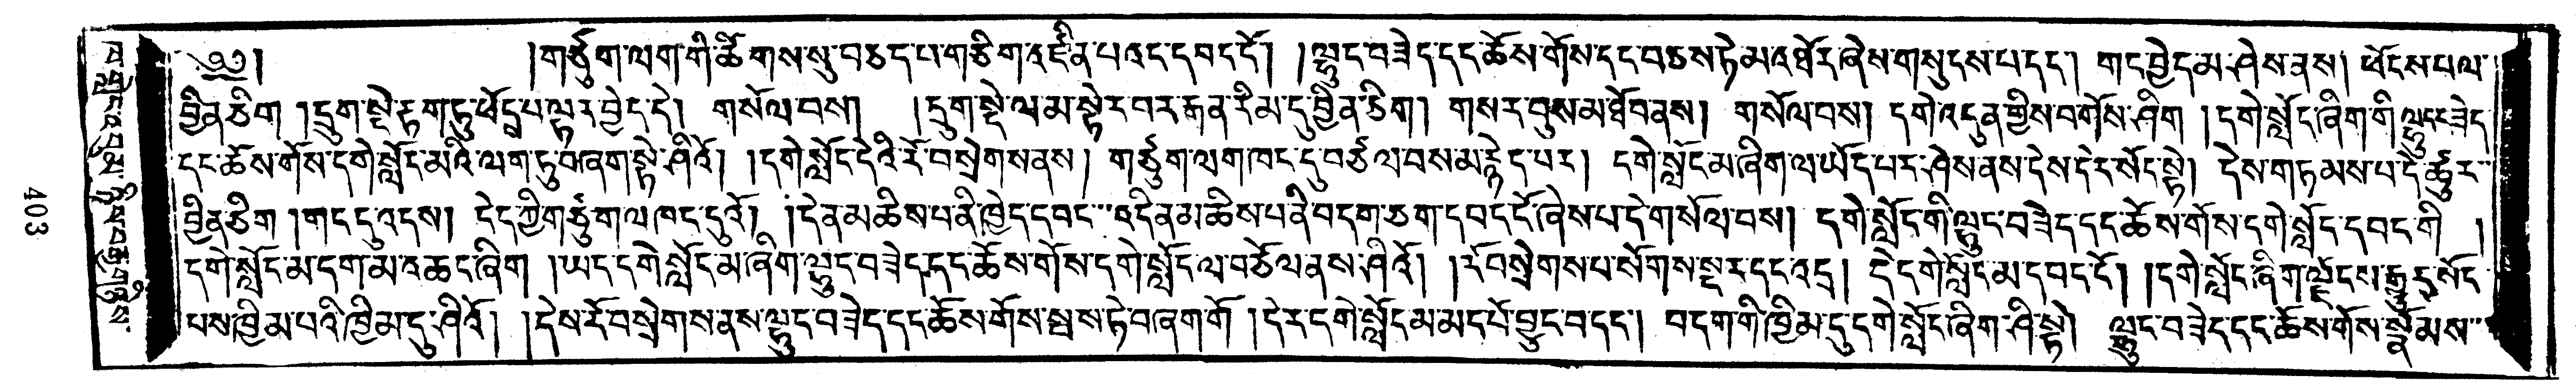༄༅། །གཙུག་ལག་གི་ཚིགས་སུ་བཅད་པ་གཅིག་འཛིན་པའང་དབང་ངོ། །ལྷུང་བཟེད་དང་ཆོས་གོས་དང་བཅས་ཏེ་མ་འཐོར་ཞེས་གསུངས་པ་དང་། གང་བྱེད་མ་ཤེས་ནས། ཕོངས་པ་ལ་
བྱིན་ཅིག །དྲུག་སྡེ་རྟག་ཏུ་ཕོངས་པ་ལྟར་བྱེད་དེ། གསོལ་བས། །དྲུག་སྡེ་ལམ་སྟེར་བར་རྒན་རིམ་དུ་བྱིན་ཅིག། གསར་བུས་མ་ཐོབ་ནས། གསོལ་བས། དགེ་འདུན་གྱིས་བ་གོས་ཤིག །དགེ་སློང་ཞིག་གི་ལྷུང་བཟེད་
དང་ཆོས་གོས་དགེ་སློང་མའི་ལག་ཏུ་བཞག་སྟེ་ཤིའོ། །དགེ་སློང་དེའི་རོ་བསྒྲེགས་ནས། གཙུག་ལག་ཁང་དུ་བཙལ་བས་མ་རྙེད་པར། དགེ་སློང་མ་ཞིག་ལ་ཡོད་པར་ཤེས་ནས་དེས་དེར་སོང་སྟེ། དེས་གཏམས་པ་དེ་ཚུར་
བྱིན་ཅིག །གང་དུ་འདས། ངེད་ཀྱི་གཙུག་ལ་ཁང་དུའོ། །དེ་ན་མཆིས་པ་ནི་ཁྱེད་དབང་འདི་ན་མཆིས་པ་ནི་བདག་ཅག་དབང་ངོ་ཞེས་པ་དེ་གསོལ་བས། དགེ་སློང་གི་ལྷུང་བཟེད་དང་ཆོས་གོས་དགེ་སློང་དབང་གི །
དགེ་སློང་མ་དག་མ་འཆང་ཞིག །ཡང་དགེ་སློང་མ་ཞིག་ལྷུང་བཟེད་དང་ཆོས་གོས་དགེ་སློང་ལ་བཅོལ་ནས་ཤིའོ། །རོ་བསྲེགས་པ་སོགས་སྔར་དང་འདྲ། དེ་དགེ་སློང་མ་དབང་ངོ། །དགེ་སློང་ཞིག་ལྗོངས་རྒྱུ་རུ་སོང་
པས་ཁྱིམ་པའི་ཁྱིམ་དུ་ཤིའོ། །དེས་རོ་བསྲེགས་ནས་ལྷུང་བཟེད་དང་ཆོས་གོས་སྤས་ཏེ་བཞག་གོ །དེར་དགེ་སློང་མ་མང་པོ་བྱུང་བ་དང་། བདག་གི་ཁྱིམ་དུ་དགེ་སློང་ཞིག་ཤི་སྟེ། ལྷུང་བཟེད་དང་ཆོས་གོས་སྣོམས་